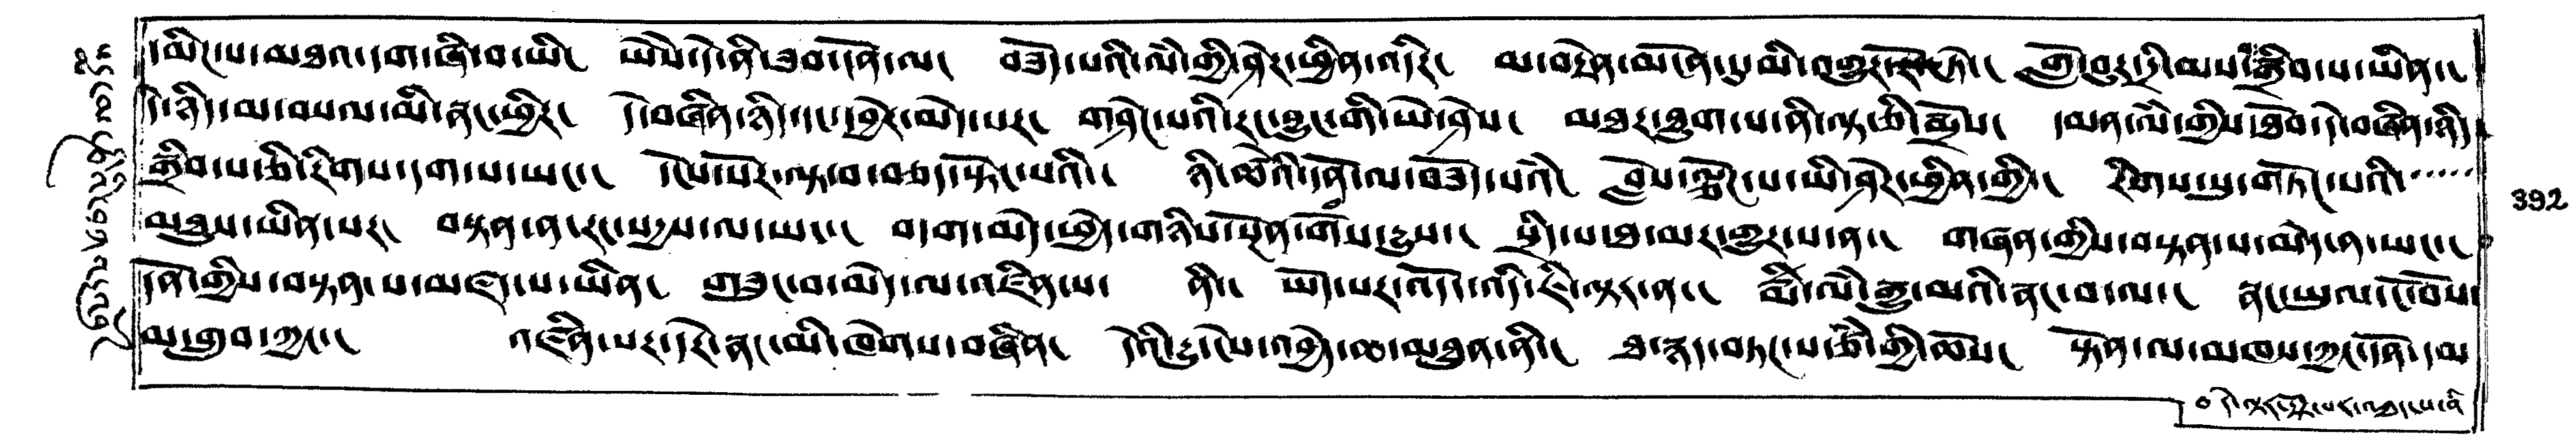དམིགས་པ་མཐའ་དག་ཞི་བ་ཡི། །ཡེ་ཤེས་དེ་ནི་ཟབ་དོན་ལ། །བཟོད་པའི་ལམ་གྱི་ཤེར་ཕྱིན་འདིར། །མ་བརྟེན་མངོན་དུ་མི་འགྱུར་ཏེ། །གློ་བུར་དྲི་མས་བསྒྲིབས་པ་ཡིན། །
དེ་ཉིད་མ་བསལ་མི་སྣང་ཕྱིར། །དེ་བཞིན་ཉིད་དང་དབྱེར་མེད་པར། །གཤེགས་པའི་རང་བྱུང་གི་ཡེ་ཤེས། །མཐར་ཐུག་པ་ནི་ལྟ་ཅི་སྨྲོས། །དམན་ལམ་གྱིས་ཐོབ་དེ་བཞིན་ཉིད། །
སྒྲིབ་པ་ཅི་རིགས་དག་པ་ཡང་། །དངོས་པོར་ལྟ་བ་བཅད་སྟོང་པའི། །ཉི་ཚེའི་དོན་ལ་བཟོད་པའམ། །བློས་ལྕོགས་པ་ཡི་ཤེར་ཕྱིན་གྱི། །རིགས་སུ་གཏོགས་པའི་
མཐུས་ཡིན་པར། །བསྟན་ན་རང་སངས་རྒྱས་ལ་ཡང་། །བདག་མེད་ཕྱེད་གཉིས་སྔོན་གོམས་རྒྱུས། །སྲིད་པ་ཐ་མར་གྱུར་པ་ན། །གཞན་གྱིས་བསྟན་པ་མེད་ན་ཡང་། །དེ་ལྟར་རྟོགས་པར་འཐད་པ་ནི། །
དོན་གྱིས་བསྟན་པ་མཛད་པ་ཡིན། །གཟུང་བ་མེད་ལ་འཛིན་པ་ནི། །ཡོད་པར་འདོད་འདི་ཇི་ལྟར་ན། །རྨི་ལམ་སྒྱུ་མའི་སྣང་བ་ལ། །སྣང་ཡུལ་ངོ་བོས་
མ་གྲུབ་ཀྱང་། །འཛིན་པར་དེར་སྣང་མི་ཁེགས་བཞིན། །དེའི་རྒྱུ་ངེས་འབྱེད་ཆ་མཐུན་ནི། །ཐ་སྙད་བཏགས་པ་ཙམ་གྱིས་ཆོས། །སྟོན་ལ་མཁས་ཀྱང་དོན་དམ་